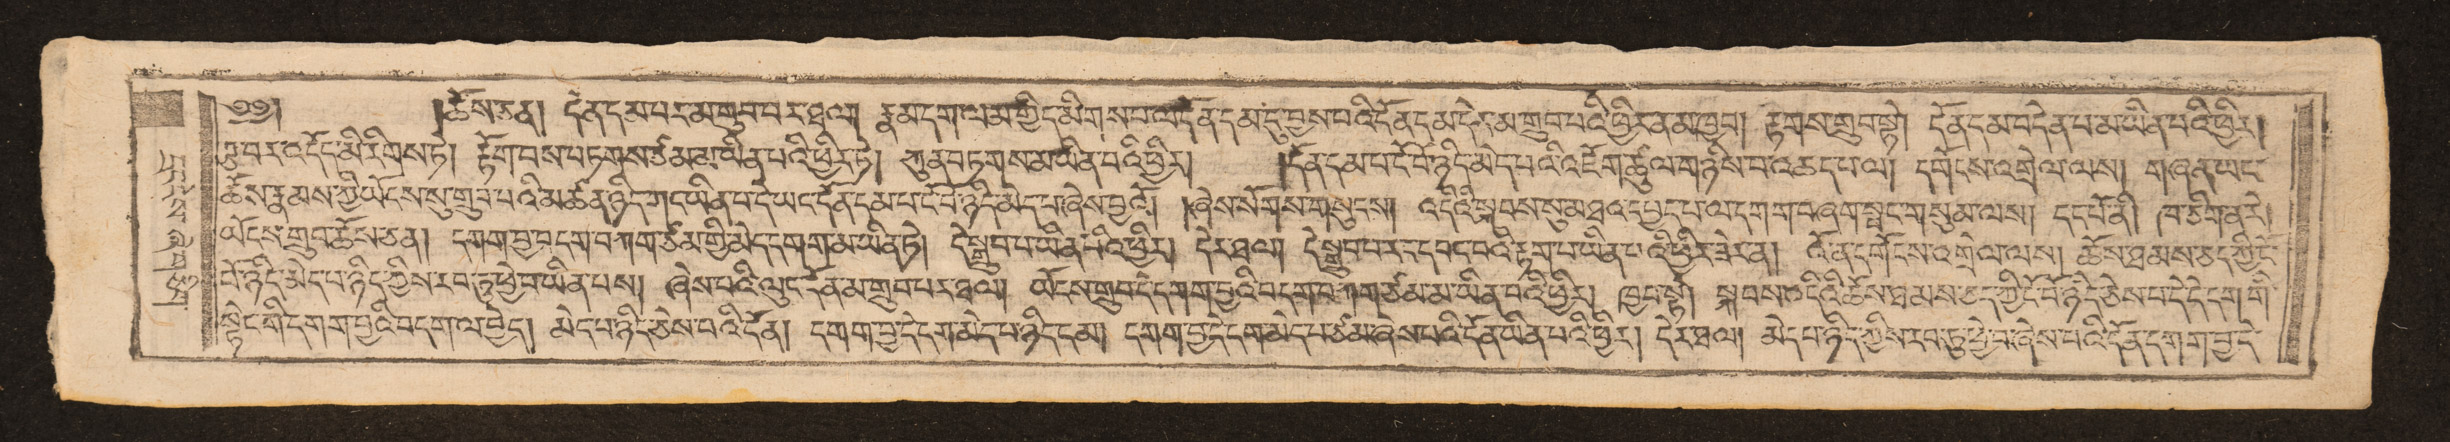༄༅། །ཆོས་ཅན། དོན་དམ་པར་མ་གྲུབ་པར་ཐལ། རྣམ་དག་ལམ་གྱི་དམིགས་པ་ལ་དོན་དམ་དུ་བྱས་པའི་དོན་དམ་དེར་མ་གྲུབ་པའི་ཕྱིར་ན་མ་ཁྱབ། རྟགས་གྲུབ་སྟེ། དོན་དམ་བདེན་པ་མ་ཡིན་པའི་ཕྱིར།
རྩ་བར་འདོད་མི་རིགས་ཏེ། རྟོག་པས་བཏགས་ཙམ་མ་ཡིན་པའི་ཕྱིར་ཏེ། ཀུན་བཏགས་མ་ཡིན་པའི་ཕྱིར། །དོན་དམ་པ་ངོ་བོ་ཉིད་མེད་པའི་འཇོག་ཚུལ་གཉིས་པ་འཆད་པ་ལ། དགོངས་འགྲེལ་ལས། གཞན་ཡང་
ཆོས་རྣམས་ཀྱི་ཡོངས་སུ་གྲུབ་པའི་མཚན་ཉིད་གང་ཡིན་པ་དེ་ཡང་དོན་དམ་པ་ངོ་བོ་ཉིད་མེད་པ་ཞེས་བྱའོ། །ཞེས་སོགས་གསུངས། འདིའི་སྐབས་སུ་མཐའ་དཔྱད་པ་ལ་དགག་བཞག་སྤང་གསུམ་ལས། དང་པོ་ནི། ཁ་ཅིག་ན་རེ།
ཡོངས་གྲུབ་ཆོས་ཅན། དགག་བྱ་བདག་བཀག་ཙམ་གྱི་མེད་དགག་མ་ཡིན་ཏེ། དེ་སྒྲུབ་པ་ཡིན་པའི་ཕྱིར། དེར་ཐལ། དེ་སྒྲུབ་པ་རང་དབང་པའི་རྟག་པ་ཡིན་པའི་ཕྱིར་ཟེར་ན། འོ་ན་དགོངས་འགྲེལ་ལས། ཆོས་ཐམས་ཅད་ཀྱི་ངོ་
བོ་ཉིད་མེད་པ་ཉིད་ཀྱིས་རབ་ཏུ་ཕྱེ་བ་ཡིན་པས། ཞེས་པའི་ལུང་དོན་མ་གྲུབ་པར་ཐལ། ཡོངས་གྲུབ་དེ་དགག་བྱའི་བདག་བཀག་ཙམ་མ་ཡིན་པའི་ཕྱིར། ཁྱབ་སྟེ། སྐབས་འདིའི་ཆོས་ཐམས་ཅད་ཀྱི་ངོ་བོ་ཉིད་ཅེས་པ་དེ་དེ་དག་གི་
སྟེང་གི་དགག་བྱའི་བདག་ལ་བྱེད། མེད་པ་ཉིད་ཅེས་པའི་དོན། དགག་བྱ་དེ་དག་མེད་པ་ཉིད་དམ། དགག་བྱ་དེ་དག་མེད་པ་ཙམ་ཞེས་པའི་དོན་ཡིན་པའི་ཕྱིར། དེར་ཐལ། མེད་པ་ཉིད་ཀྱིས་རབ་ཏུ་ཕྱེ་བ་ཞེས་པའི་དོན་དགག་བྱ་དེ་